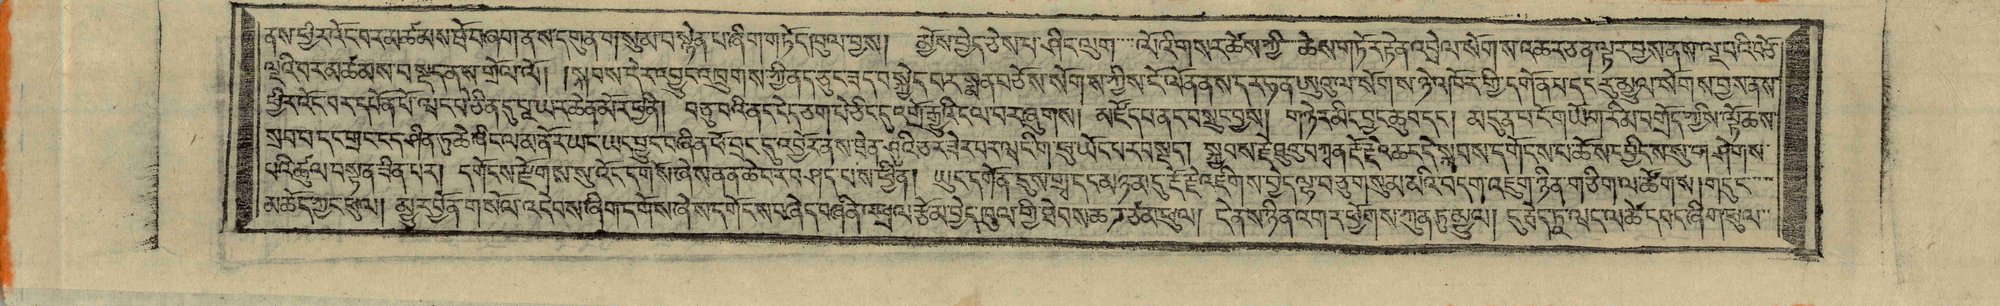ནས་ཕྱིར་འོང་བར་མཚམས་ཐོ་བཞག་ནས་དགུན་གསུམ་བསྙེན་པ་ཞིག་གཏོང་ཁུལ་བྱས། མྱོས་བྱེད་ཅེས་པ་ཤིང་ལུག་ལོའི་གསར་ཚེས་ཀྱི་ཆེས་གཏོར་རྟེན་འབྲེལ་སོགས་འཆར་ཅན་ལྟར་བྱས་ནས་ལྔ་པའི་བཅོ་
ལྔའི་བར་མཚམས་བསྡད་ནས་གྲོལ་ལོ། །སྐབས་དེར་འབྱུང་འཁྲུགས་ཀྱི་ནད་ཅུང་ཟད་བསྐྱེད་པར་སྨན་བཅོས་སོགས་ཀྱིས་ངོ་ལོན་ནས་དར་ཧན་ཨུའུ་ལ་སོགས་ཉེ་འཁོར་གྱི་དགོན་པ་དང་རུ་མྱུལ་སོགས་བྱས་ནས་
ཕྱིར་འོང་བར་དཔོན་པོ་ཝང་པེ་ཅིན་དུ་པཱ་ཡར་ཆེན་མོར་ཕྱིན། བཅུ་བའི་ནང་ངེད་ཅག་པེ་ཅིང་དུ་འགྲོ་རྒྱུའི་ངལ་བར་ཞུགས། མཛོད་པ་ནང་བསྲུང་བྱས། གཉེར་མིང་བྱང་ཆུབ་དང་། མདུན་པ་ངོ་གཡོག་རིམ་བགྲོད་ཀྱིས་ལྟོ་ཆས་
སྲབ་པ་དང་གྲང་ངད་ཤིན་ཏུ་ཆེ་ཞིང་ལ་མ་ནོར་ཡང་ཡང་བྱུང་བཞིན་ཕོ་བྲང་དུ་འབྱོར་ནས་ཐེན་ཤུའི་ཅར་ཟེར་བར་ཝང་གི་ཕུ་ཡོང་པར་བསྡད། སྐྱབས་རྗེ་ཐུའུ་བཀྭན་རྡོ་རྗེ་འཆང་དེ་སྐབས་དགོངས་པ་ཆོས་དབྱིངས་སུ་གཤེགས་
པའི་ཚུལ་བསྟན་ཟིན་པར། དགོངས་རྫོགས་སུ་འོང་དགོས་ཞེས་ནན་ཆེ་བར་བཤད་པས་ཕྱིན། ཡུང་དགོན་དུས་གྲྭ་དང་མཉམ་དུ་རྡོ་རྗེ་འཇིགས་བྱེད་ལྷ་བཅུ་གསུམ་མའི་བདག་འཇུག་ཉིན་གཅིག་ལ་ཚོགས། གདུང་
མཆོད་ཀྱང་ཕུལ། མྱུར་བྱོན་གསོལ་འདེབས་ཞིག་དགོས་ཞེས་དགོངས་བཞེད་བཞིན་འཕྲལ་རྩོམ་བྱེད་ཁུལ་གྱི་ཐེབས་ཆར་ཙམ་ཕུལ། དེ་ནས་ཉིན་འགར་ཕྱོགས་ཀུན་ཏུ་མྱུལ། དུ་རྦེད་ཏཱ་ཝང་ལ་ཚེ་དབང་ཞིག་ཕུལ་